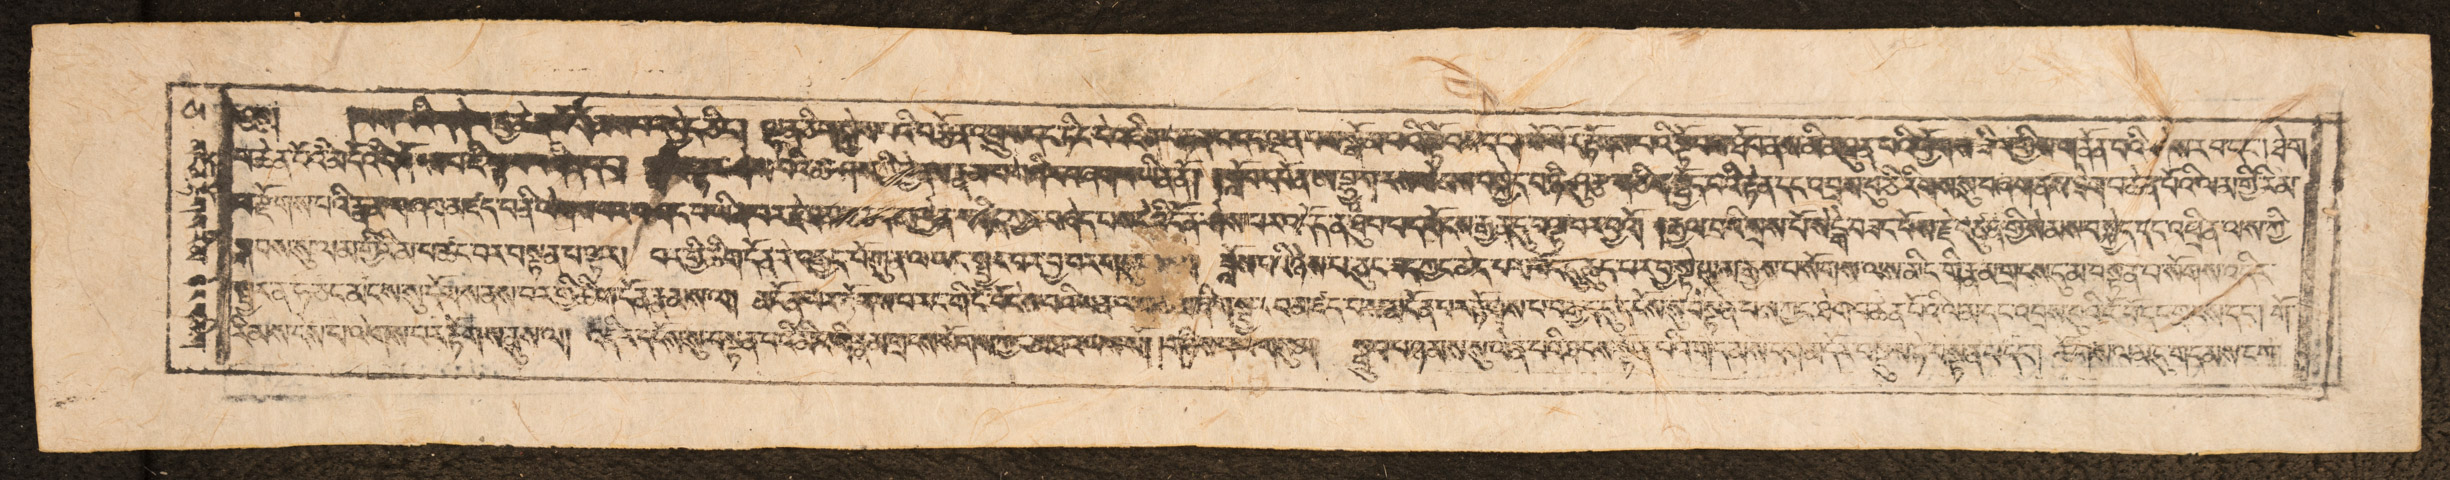༄༅། །ལས་པའི་དགེ་བ་རྒྱ་ཆེན་པོ་གོམས་པར་བྱེད་ཅིང་། ལྷན་ཅིག་སྐྱེས་པའི་བརྩོན་འགྲུས་དང་ཏིང་ངེ་འཛིན་བརྟན་པ་དང་ལྡན་པས་སྒོམ་པའི་སྟོབས་དང་། སོ་སོར་རྟོགས་པའི་སྟོབས་ཐོབ་ནས་མི་མཐུན་པའི་ཕྱོགས་ཟིལ་གྱིས་གནོན་པའི་ཤེས་རབ་དང་། ཐེག་
པ་ཆེན་པོའི་མདོའི་དགོངས་པ་ཇི་ལྟ་བ་བཞིན་དང་། སྒྲ་ཇི་ལྟར་ཤེས་པའི་ཆ་ཤས་ཀྱི་ཕྱེ་ནས་རྣམ་པ་བཞིར་བཞག་པ་ཡིན་ནོ། །སློབ་དཔོན་ཨ་བྷྱཱ་ཀ་རས་སེམས་བསྐྱེད་པ་ཉི་ཤུ་རྩ་གཅིག་སྤྱོད་པའི་རྟེན་དང་འབྲས་བུ་ཅི་རིགས་སུ་བཞག་ནས་ཐེག་པ་ཆེན་པོའི་ལམ་གྱི་རིམ་
པ་རྫོགས་པའི་རྣམ་གཞག་མཛད་པ་ནི་ལེགས་པར་བཤད་པ་ཡིན་པར་རྗེ་ཐམས་ཅད་མཁྱེན་པ་ཉིད་ཀྱང་བཞེད་པས་དེའི་དོན་ཤེས་པར་འདོད་ན་ཐུབ་པ་དགོངས་རྒྱན་དུ་བལྟ་བར་བྱའོ། །རྒྱལ་བའི་སྲས་པོ་སེངྒེ་བཟང་པོས་རྗེ་བཙུན་གྱི་སེམས་བསྐྱེད་དང་འཕྲིན་ལས་ཀྱི་
སྐབས་སུ་ལམ་གྱི་རིམ་པ་ཚང་བར་བསྟན་པ་ལྟར། བར་གྱི་ཚིག་དོན་རེ་བརྒྱད་པོ་ཀུན་ལ་ཡང་སྦྱར་བར་བྱ་བར་གསུངས་ལ། ཟློས་པའི་ཉེས་པ་ཅུང་ཟད་ཀྱང་མེད་པར་ཁོང་དུ་ཆུད་པར་བྱ་སྟེ་ཡུམ་རྒྱས་པ་སོགས་ལས་མིང་གི་རྣམ་གྲངས་དུ་མ་བསྟན་པ་སོགས་འདིར་
སྦྱར་ན་ཧ་ཅང་མངས་སུ་དོགས་ནས་བར་གྱི་ཚིག་དོན་རྣམས་ལ། མངོན་པར་རྟོགས་པ་རང་གི་ངོ་བོ་ངེས་པའི་ཡན་ལག་ཙམ་ཞིག་སྦྱར་བ་མཛད་པས་མངོན་པར་རྟོགས་པ་བརྒྱད་དུ་དངོས་སུ་བསྟན་པས་ཀྱང་ཐེག་པ་ཆེན་པོའི་ལམ་དང་འབྲས་བུའི་ངོ་བོ་དང་གྲངས་དང་། གོ་
རིམས་ངེས་པ་ལེགས་པར་རྟོགས་ནུས་ལ། འདིར་དངོས་སུ་བསྟན་པའི་མིང་གི་རྣམ་གྲངས་སོགས་ཀྱང་མཐའ་ཡས་སོ། །གཉིས་པ་ལ་གསུམ། སྒྲུབ་པ་ཉམས་སུ་ལེན་པའི་ཐབས་སྟོན་པའི་གདམས་ངག་མདོར་བསྡུས་ཏེ་བསྟན་པ་དང་། ཚོགས་ལམ་དུ་གདམས་ངག་